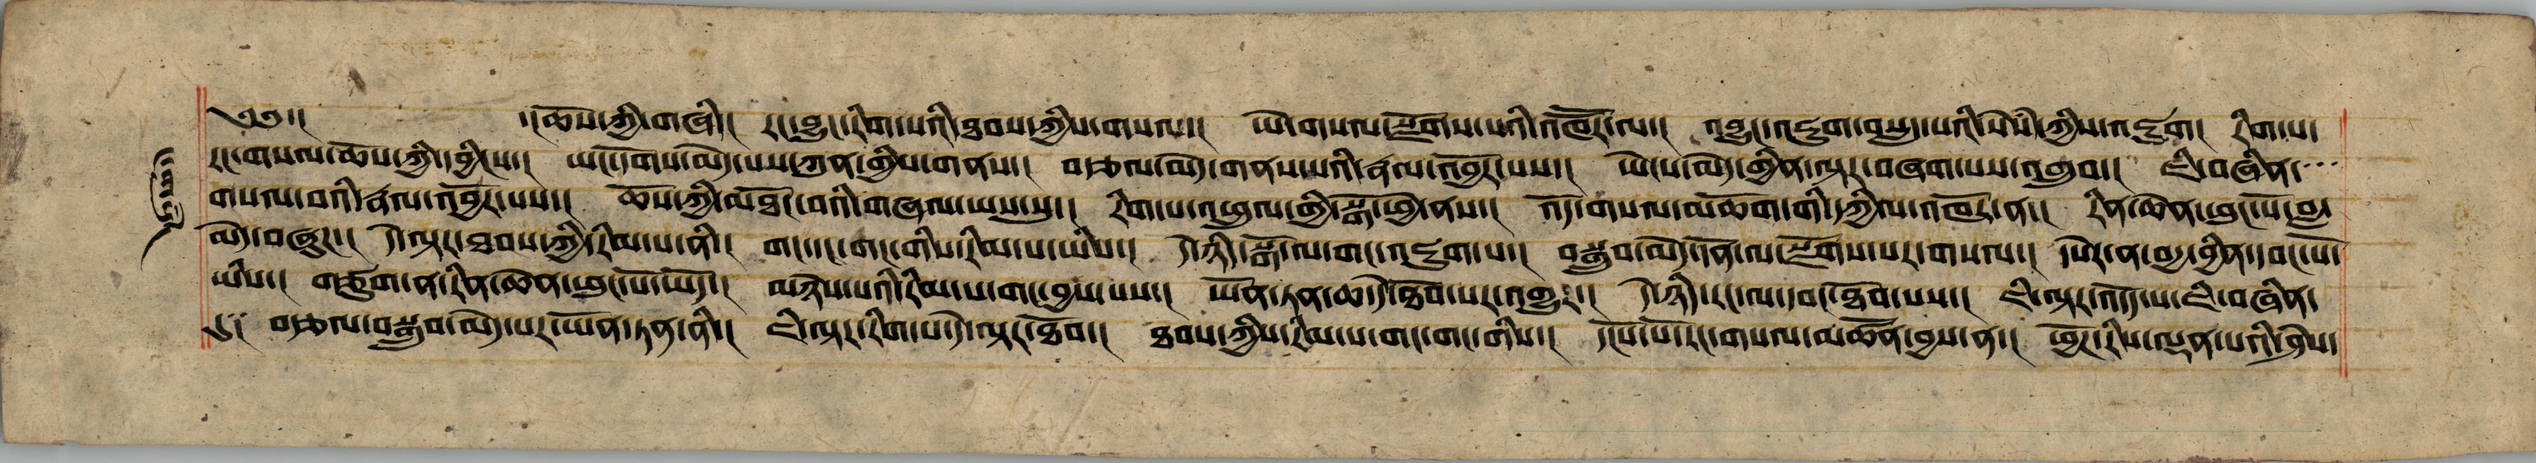༄༅་། ་།ཆོས་ཀྱི་གཞི་། རང་བྱུང་རིག་པའི་ཐབས་ཀྱིས་གསལ་། ཡེ་གསལ་སྫོགས་པའི་འཁཽར་ལ་། འབྱུང་འཇུག་བསླད་པའི་སེསཾ་ཀྱིས་འཇུག་། རིག་པ་
རང་གསལ་ཆོས་ཀྱི་དབྱིངས་། ཡང་དོགས་མེད་པས་ཀུན་གྱིས་གནས་། བརྩལ་མེད་གནས་པའི་རྣལ་འབྱོར་པས་། ཡེངས་མཻད་གྱིན་ལྟར་བཞག་པས་འགྲུབ་། ཇི་བཞིན་
གསལ་བའི་རྣལ་འབྱོར་པས་། ཆོས་ཀྱི་མཐོང་བའི་གཞལ་ཡས་སུ་། རིག་པ་འཕྲུལ་གྱི་སྒོ་ཕྱེ་ནས་། འོད་གསལ་མཆོག་གི་དཀྱིལ་འཁོར་ན་། རིན་ཆེན་ཕུང་པོ་བླ་
མེད་བཞུཌ་། དེ་ལྟར་ཐབས་ཀྱི་རིམ་པ་ནི་། གང་དང་གང་གིས་རིམ་པ་ཡིས་། དེ་ཉིད་སྒོ་ལ་གང་འཇུག་པ་། བསྒྲུབ་མེད་དོན་ལ་སྫོགས་པར་གསལ་། དཔེར་ན་བདྱ་བྱིན་དབང་པོ་
ཡིས་། གཙུག་ན་རིན་ཆེན་ཕུང་པོ་ཡོད་། མཉེས་པའི་རིམ་པ་གང་བྱས་པས་། ཡོན་ཏན་ཆ་དེ་ཐོབ་པར་འགྱུར་། དེ་ཉིད་རང་ལ་དབང་ཐོབ་པས་། ཇི་ལྟར་འདོད་པ་ཇི་བཞིན་
དུ༑ བརྩལ་བསྒྲུབ་མེད་པར་ཡོན་ཏན་ནི་། ཇི་ལྟར་རིག་པ་དེ་ལྟར་ཐོབ་། ཐབས་ཀྱིས་རིམ་པ་གང་དག་གིས་། དངོས་པོ་རང་གསལ་མཚོན་བྱས་ན་། ཕྱོཌ་རིས་ལྡན་པའི་ཤེས་